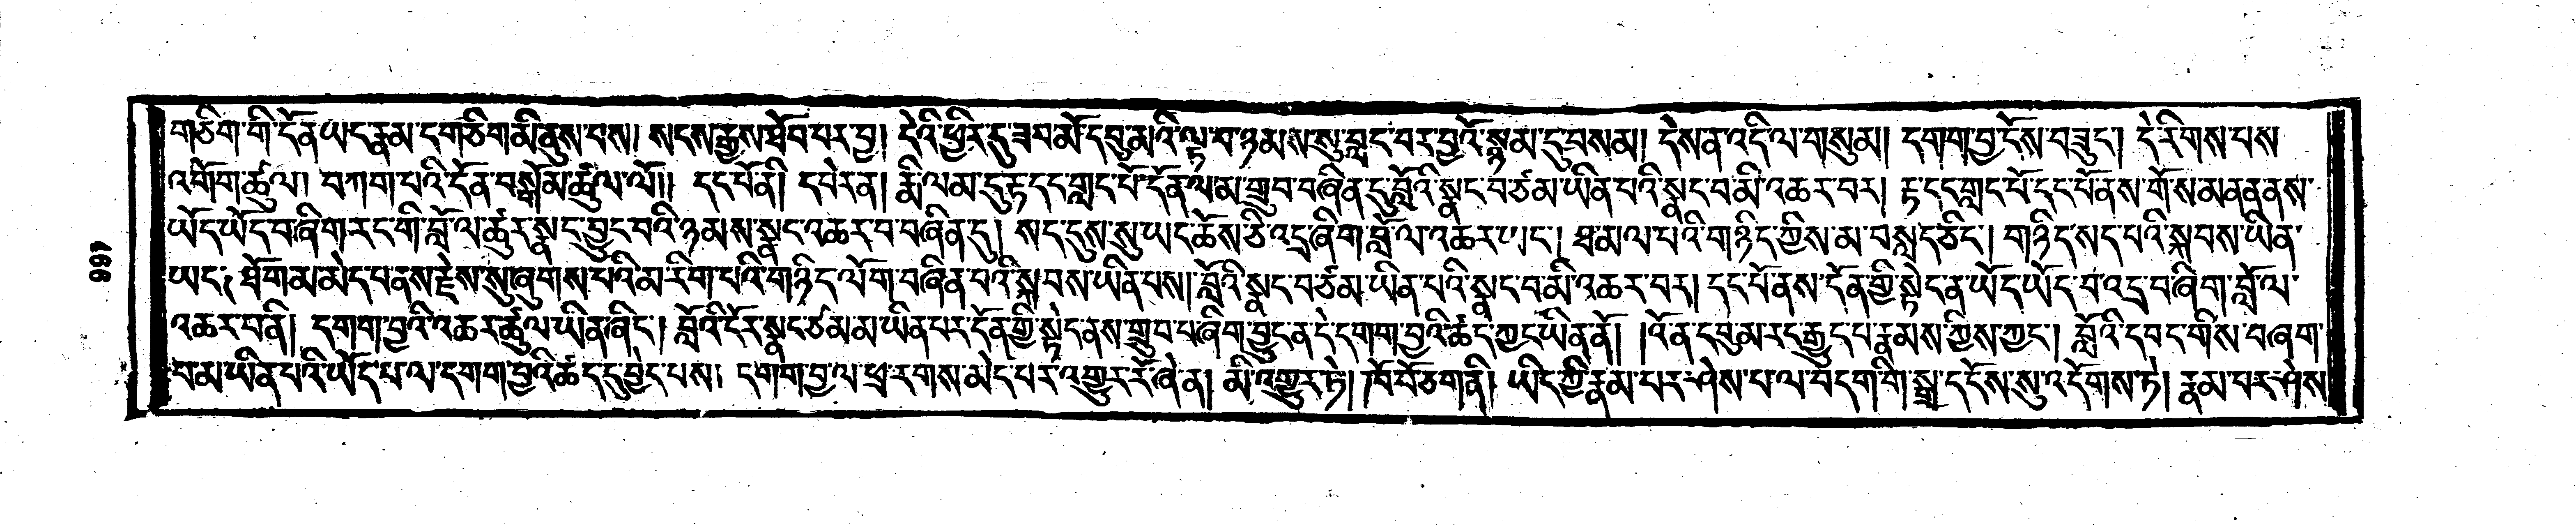གཅིག་གི་དོན་ཡང་རྣམ་དག་ཅིག་མི་ནུས་པས། སངས་རྒྱས་ཐོབ་པར་བྱ། དེའི་ཕྱིར་དུ་ཟབ་མོ་དབུ་མའི་ལྟ་བ་ཉམས་སུ་བླང་བར་བྱའོ་སྙམ་དུ་བསམ། དེས་ན་འདི་ལ་གསུམ། དགག་བྱ་ངོས་བཟུང་། དེ་རིགས་པས་
འགོག་ཚུལ། བཀག་པའི་དོན་བསྒོམ་ཚུལ་ལོ། །དང་པོ་ནི། དཔེར་ན། རྨི་ལམ་དུ་རྟ་དང་གླང་པོ་དོན་ལ་མ་གྲུབ་བཞིན་དུ་བློའི་སྣང་བ་ཙམ་ཡིན་པའི་སྣང་བ་མི་འཆར་བར། རྟ་དང་གླང་པོ་དང་པོ་ནས་གོ་ས་མནན་ནས་
ཡོད་ཡོད་པ་ཞིག་རང་གི་བློ་ལ་ཚུར་སྣང་བྱུང་བའི་ཉམས་སྣང་འཆར་བ་བཞིན་དུ། སད་དུས་སུ་ཡང་ཆོས་ཅི་འདྲ་ཞིག་བློ་ལ་འཆར་ཡང་། ཐ་མལ་པའི་གཉིད་ཀྱིས་མ་བསླད་ཅིང་། གཉིད་སང་བའི་སྐབས་ཡིན་
ཡང་། ཐོག་མ་མེད་པ་ནས་རྗེས་སུ་ཞུགས་པའི་མ་རིག་པའི་གཉིད་ལོག་བཞིན་པའི་སྐབས་ཡིན་པས། བློའི་སྣང་བ་ཙམ་ཡིན་པའི་སྣང་བ་མི་འཆར་བར། དང་པོ་ནས་དོན་གྱི་སྟེང་ན་ཡོད་ཡོད་པ་འདྲ་བ་ཞིག་བློ་ལ་
འཆར་བ་ནི། དགག་བྱའི་འཆར་ཚུལ་ཡིན་ཞིང་། བློའི་ངོར་སྣང་ཙམ་མ་ཡིན་པར་དོན་གྱི་སྟེང་ནས་གྲུབ་པ་ཞིག་བྱུང་ན་དེ་དགག་བྱའི་ཚད་ཀྱང་ཡིན་ནོ། །འོ་ན་དབུ་མ་རང་རྒྱུད་པ་རྣམས་ཀྱིས་ཀྱང་། བློའི་དབང་གིས་བཞག་
པ་མ་ཡིན་པའི་ཡོད་པ་ལ་དགག་བྱའི་ཚད་དུ་བྱེད་པས། དགག་བྱ་ལ་ཕྲ་རགས་མེད་པར་འགྱུར་རོ་ཞེ་ན། མི་འགྱུར་ཏེ། ཁོ་བོ་ཅག་ནི། ཡིད་ཀྱི་རྣམ་པར་ཤེས་པ་ལ་བདག་གི་སྒྲ་དངོས་སུ་འདོགས་ཏེ། རྣམ་པར་ཤེས་